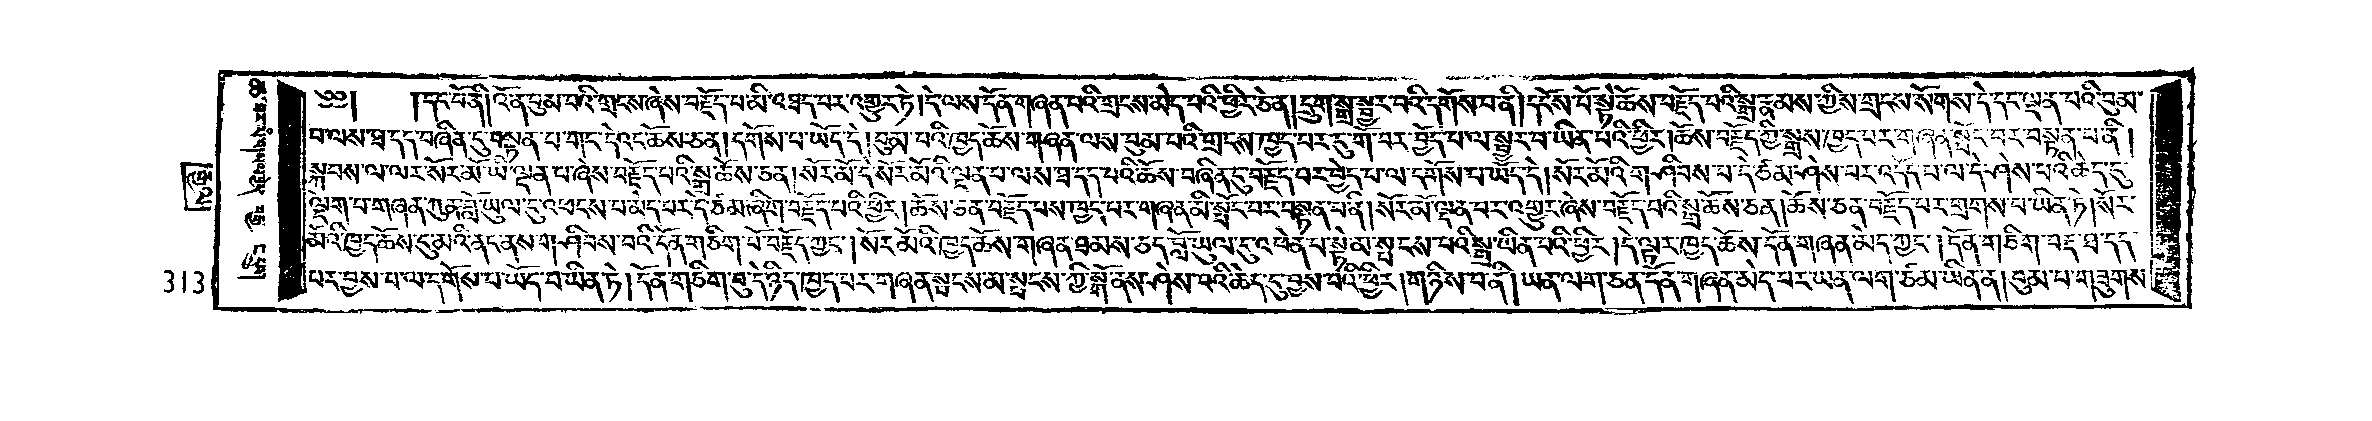༄༅། །དང་པོ་ནི། འོ་ན་བུམ་པའི་གྲངས་ཞེས་བརྗོད་པ་མི་འཐད་པར་འགྱུར་ཏེ། དེ་ལས་དོན་གཞན་པའི་གྲངས་མེད་པའི་ཕྱིར་ཅེ་ན། དྲུག་སྒྲ་སྦྱར་བའི་དགོས་པ་ནི། དངོས་པོ་སྟེ་ཆོས་བརྗོད་པའི་སྒྲ་རྣམས་ཀྱིས་གྲངས་སོགས་དེ་དང་ལྡན་པའི་བུམ་
པ་ལས་ཐ་དད་བཞིན་དུ་བསྟན་པ་གང་དེའང་ཆོས་ཅན། དགོས་པ་ཡོད་དེ། བུམ་པའི་ཁྱད་ཆོས་གཞན་ལས་བུམ་པའི་གྲངས་ཁྱད་པར་དུ་གོ་བར་བྱོད་པ་ལ་སྦྱར་བ་ཡིན་པའི་ཕྱིར། ཆོས་བརྗོད་ཀྱི་སྒྲས་ཁྱད་པར་གཞན་སྤོང་བར་བསྟན་པ་ནི།
སྐབས་ལ་ལར་སོར་མོ་ཡི་ལྡན་པ་ཞེས་བརྗོད་པའི་སྒྲ་ཆོས་ཅན། སོར་མོ་དེ་སོར་མོའི་ལྡན་པ་ལས་ཐ་དད་པའི་ཆོས་བཞིན་དུ་བརྗོད་པར་བྱེད་པ་ལ་དགོས་པ་ཡོད་དེ། སོར་མོའི་གཤིབས་པ་དེ་ཙམ་ཤེས་པར་འདོད་པ་ལ་དེ་ཤེས་པའི་ཆེད་དུ་
ལྡེག་པ་གཞན་ཀུན་བློ་ཡུལ་དུ་འཕངས་པ་མེད་པར་དེ་ཙམ་ཞིག་བརྗོད་པའི་ཕྱིར། ཆོས་ཅན་བརྗོད་པས་ཁྱད་པར་གཞན་མི་སྤོང་བར་བསྟན་པ་ནི། སོར་མོ་ལྡན་པར་འགྱུར་ཞེས་བརྗོད་པའི་སྒྲ་ཆོས་ཅན། ཆོས་ཅན་བརྗོད་པར་གྲགས་པ་ཡིན་ཏེ། སོར་
མོའི་ཁྱད་ཆོས་དུ་མའི་ནང་ནས་གཤིབས་བའི་དོན་གཅིག་པོ་བརྗོད་ཀྱང་། སོར་མོའི་ཁྱད་ཆོས་གཞན་ཐམས་ཅད་བློ་ཡུལ་དུ་འཕེན་པ་སྟེ་མ་སྤངས་པའི་སྒྲ་ཡིན་པའི་ཕྱིར། དེ་ལྟར་ཁྱད་ཆོས་དོན་གཞན་མེད་ཀྱང་། དོན་གཅིག་བརྡ་ཐ་དད་
པར་བྱས་པ་ལ་དགོས་པ་ཡོད་པ་ཡིན་ཏེ། དོན་གཅིག་བུ་དེ་ཉིད་ཁྱད་པར་གཞན་སྤངས་མ་སྤངས་ཀྱི་སྒོ་ནས་ཤེས་པའི་ཆེད་དུ་བྱས་པའི་ཕྱིར། གཉིས་པ་ནི། ཡན་ལག་ཅན་དོན་གཞན་མེད་པར་ཡན་ལག་ཙམ་ཡིན་ན། བུམ་པ་གཟུགས་